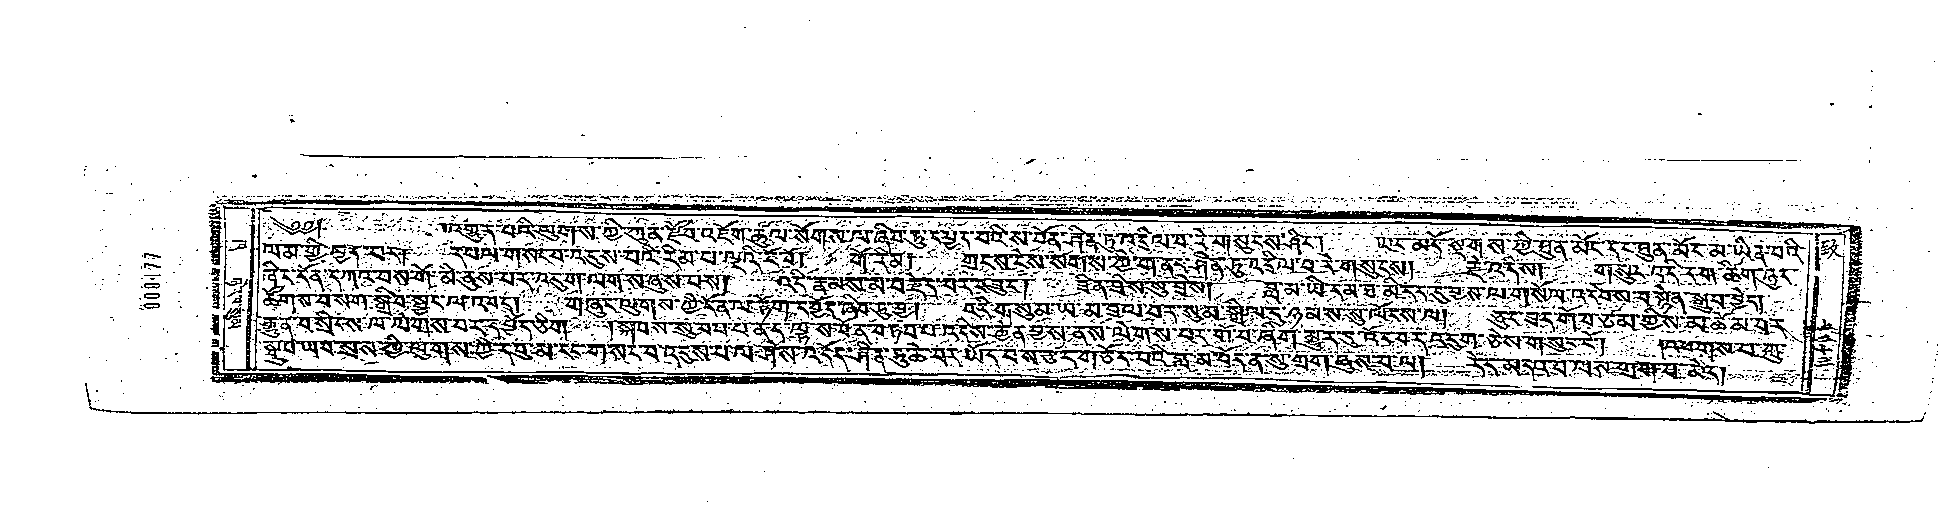༄༅། །འགྱུར་བའི་ལུགས་ཀྱི་ཀུན་རྫོབ་འཇོག་ཚུལ་སོགས་ལ་ཞིབ་ཏུ་དཔྱད་པའི་ས་བོན་ཤིན་ཏུ་འདྲིལ་བ་རེ་གསུངས་ཤིང་། ཡང་མདོ་སྔགས་ཀྱི་ཐུན་མོང་དང་ཐུན་མོང་མ་ཡིན་བའི་
ལམ་གྱི་ཁྱད་པར། དཔལ་གསང་བ་འདུས་པའི་རིམ་པ་ལྔའི་ངོ་བོ། གོ་རིམ། གྲངས་ངེས་སོགས་ཀྱི་གནད་ཤིན་ཏུ་འདྲིལ་བ་རེ་གསུངས། རྗེ་འདིས། གསུང་འདི་དག་ཚིག་ཉུང་
ཞིང་དོན་དཀའ་བས་གོ་མི་ནུས་པར་འདུག་ལགས་ཞུས་པས། འདི་རྣམས་མ་བརྗེད་པར་བཟུང་། ཟིན་བྲིས་སུ་བྲིས། བླ་མ་ཡི་དམ་ཐ་མི་དད་དུ་བྱས་ལ་གསོལ་འདེབས་བསྙེན་སྒྲུབ་བྱེད།
ཚོགས་བསག་སྒྲིབ་སྦྱང་ལ་འབད། གཞུང་ལུགས་ཀྱི་དོན་ལ་རྟོག་དབྱོད་ཞིབ་ཏུ་བྱ། འདི་གསུམ་ཡ་མ་བྲལ་བར་སུམ་སྒྲིལ་དུ་ཉམས་སུ་ལོངས་ལ། ཅུང་ཟད་གོ་བ་ཙམ་གྱིས་མ་ཚིམ་པར་
རྒྱུན་བསྲིངས་ལ་ལེགས་པར་དཔྱོད་ཅིག །སྐབས་སུ་བབ་པ་ན་ད་ལྟ་ས་བོན་བཏབ་པ་འདིས་རྐྱེན་བྱས་ནས་ལེགས་པར་གོ་བ་ཞིག་མྱུར་དུ་འོད་བར་འདུག་ཅེས་གསུང་ངོ། །འཕགས་པ་ཀླུ་
སྒྲུབ་ཡབ་སྲས་ཀྱི་ལུགས་ཀྱི་དབུ་མ་དང་གསང་བ་འདུས་པ་ལ་ཤེས་འདོད་ཤིན་ཏུ་ཆེ་བར་ཡོད་པས་རྩད་གཅོད་པའི་བླ་མ་བོད་ན་སུ་གྲག་ཞུས་པ་ལ། རེད་མདའ་བ་ལས་གྲག་པ་མེད།